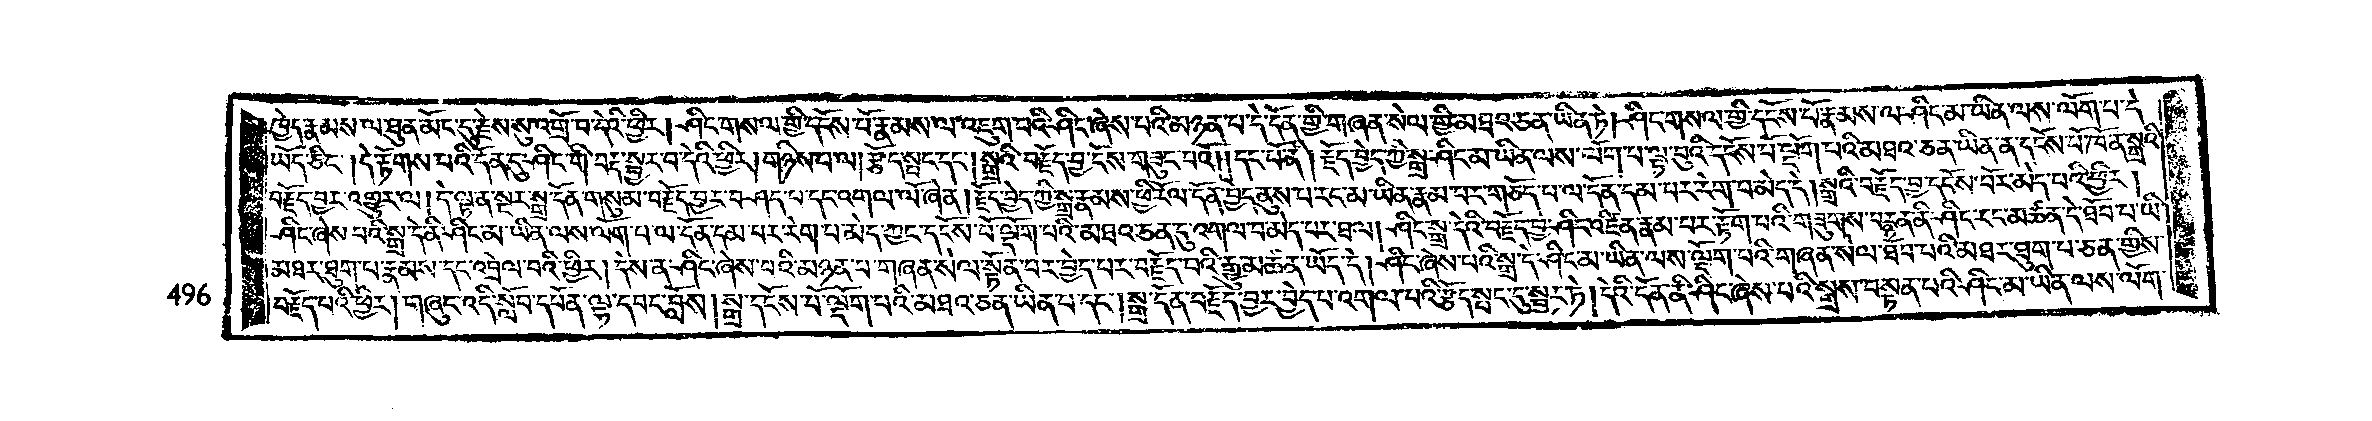ཁྱེད་རྣམས་ལ་ཐུན་མོང་དུ་རྗེས་སུ་འགྲོ་བ་དེའི་ཕྱིར། ཤིང་གསལ་གྱི་དངོས་པོ་རྣམས་ལ་འཇུག་པའི་ཤིང་ཞེས་པའི་མཉན་པ་དེ་དོན་གྱི་གཞན་སེལ་གྱི་མཐའ་ཅན་ཡིན་ཏེ། ཤིང་གསལ་གྱི་དངོས་པོ་རྣམས་ལ་ཤིང་མ་ཡིན་ལས་ལོག་པ་དེ་
ཡོད་ཅིང་།དེ་རྟོགས་པའི་དོན་དུ་ཤིང་གི་བརྡ་སྦྱར་བ་དེའི་ཕྱིར། གཉིས་པ་ལ། རྩོད་སྤང་དང་། སྒྲའི་བརྗོད་བྱ་ངོས་གཟུང་བའོ། །དང་པོ་ནི། རྗོད་བྱེད་ཀྱི་སྒྲ་ཤིང་མ་ཡིན་ལས་ལོག་པ་ལྟ་བུའི་དངོས་པོ་ལྡོག་པའི་མཐའ་ཅན་ཡིན་ན་དངོས་པོ་ཁོ་ན་སྒྲའི་
བརྗོད་བྱར་འགྱུར་ལ། དེ་ལྟ་ན་སྔར་སྒྲ་དོན་གསུམ་བརྗོད་བྱར་བཤད་པ་དང་འགལ་ལོ་ཞེ་ན། རྗོད་བྱེད་ཀྱི་སྒྲ་རྣམས་ཕྱི་རོལ་དོན་བྱེད་ནུས་པ་རང་མ་ཡིན་རྣམ་པར་གཅོད་པ་ལ་དོན་དམ་པར་རིག་པ་མེད་དེ། སྒྲའི་བརྗོད་བྱ་དངོས་པོར་མེད་པའི་ཕྱིར།
ཤིང་ཞེས་པའི་སྒྲ་དེ་ནི་ཤིང་མ་ཡིན་ལས་ལོག་པ་ལ་དོན་དམ་པར་རེག་པ་མེད་ཀྱང་དངོས་པོ་ལྡོག་པའི་མཐའ་ཅན་དུ་འགལ་བ་མེད་པར་ཐལ། ཤིང་སྒྲ་དེའི་བརྗོད་བྱ་ཤིང་འཛིན་རྣམ་པར་རྟོག་པའི་གཟུགས་བརྙན་ནི་ཤིང་རང་མཚན་དེ་ཐོབ་པ་ཡི་
མཐར་ཐུག་པ་རྣམས་དང་འབྲེལ་བའི་ཕྱིར། དེས་ན་ཤིང་ཞེས་པའི་མཉན་པ་གཞན་སེལ་སྟོན་པར་བྱེད་པར་བརྗོད་པའི་རྒྱུ་མཚན་ཡོད་དེ། ཤིང་ཞེས་པའི་སྒྲ་དེ་ཤིང་མ་ཡིན་ལས་ལྡོག་པའི་གཞན་སེལ་ཐོབ་པའི་མཐར་ཐུག་པ་ཅན་གྱིས་
བརྗོད་པའི་ཕྱིར། གཞུང་འདི་སློབ་དཔོན་ལྷ་དབང་བློས། སྒྲ་དངོས་པོ་ལྡོག་པའི་མཐའ་ཅན་ཡིན་པ་དང་། སྒྲ་དོན་བརྗོད་བྱར་བྱེད་པ་འགལ་བའི་རྩོད་སྤང་དུ་སྦྱར་ཏེ། དེའི་དོན་ནི་ཤིང་ཞེས་པའི་སྒྲས་བསྟན་པའི་ཤིང་མ་ཡིན་ལས་ལོག་